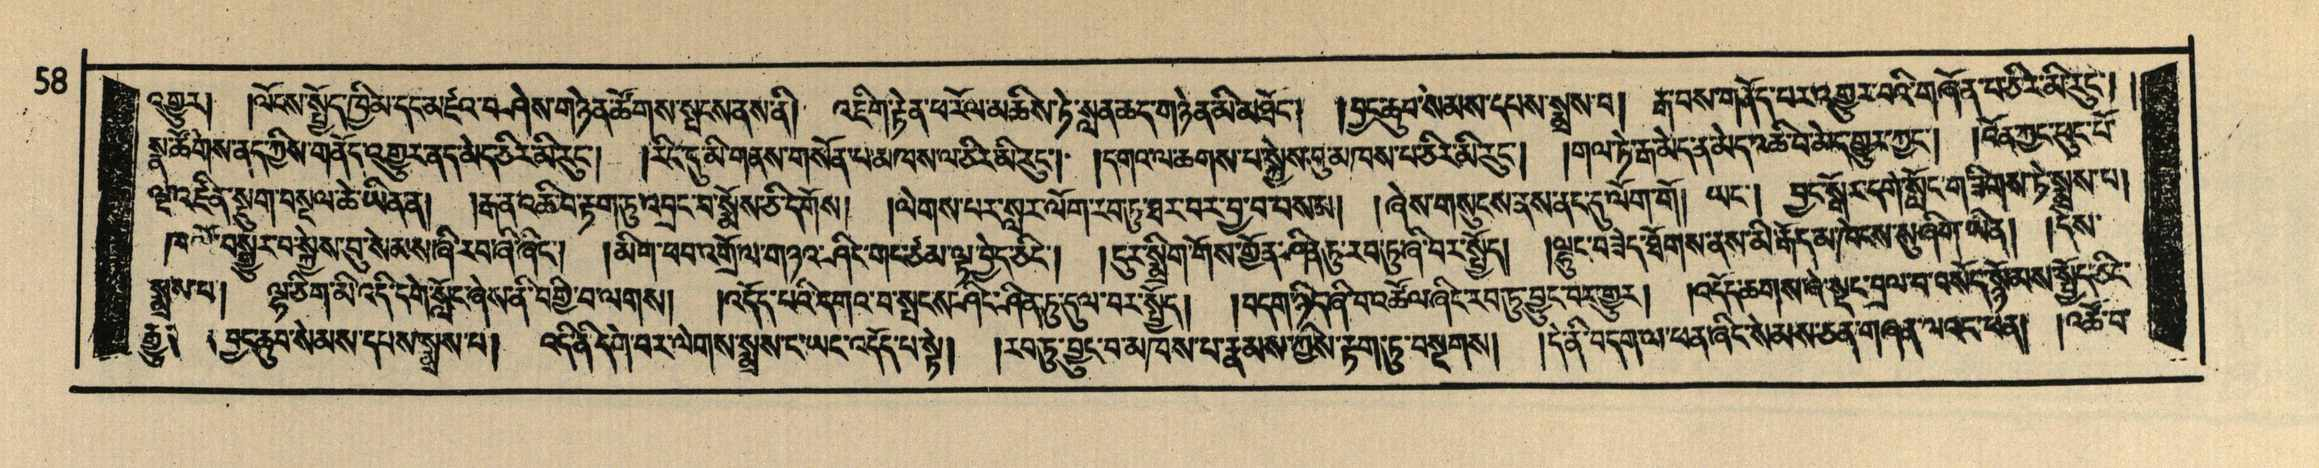འགྱུར། །ལོངས་སྤྱོད་ཁྱིམ་དང་མཛའ་བཤེས་གཉེན་ཚོགས་སྤངས་ནས་ནི། འཇིག་རྟེན་ཕ་རོལ་མཆིས་ཏེ་སླན་ཆད་གཉེན་མི་མཐོང་། །བྱང་ཆུབ་སེམས་དཔས་སྨྲས་པ། རྒ་བས་གནོད་པར་འགྱུར་བའི་གཞོན་པ་ཅིར་མི་རུང་། །
སྣ་ཚོགས་ནད་ཀྱིས་གནོད་འགྱུར་ནད་མེད་ཅིར་མི་རུང་། །རིང་དུ་མི་གནས་གསོན་པ་མཁས་ལ་ཅིར་མི་རུང་། །དགའ་ལ་ཆགས་པ་སྐྱེས་བུ་མཁས་པ་ཅིར་མི་རུང་། །གལ་ཏེ་རྒ་མེད་ན་མེད་འཆི་བ་མེད་གྱུར་ཀྱང་། །འོན་ཀྱང་ཕུང་པོ་
ལྔ་འཛིན་སྡུག་བསྔལ་ཆེ་ཡིན་ན། །རྒ་ན་འཆི་བ་རྟག་ཏུ་འབྲང་བ་སྨོས་ཅི་དགོས། །ལེགས་པར་སླར་ལོག་རབ་ཏུ་ཐར་བར་བྱ་བ་བསམ། །ཞེས་གསུངས་ནས་ནང་དུ་ལོག་གོ། ཡང་། བྱང་སྒོར་དགེ་སློང་གཟིགས་ཏེ་སྨྲས་པ།
ཁ་ལོ་བསྒྱུར་བ་སྐྱེས་བུ་སེམས་ཞི་རབ་ཞི་ཞིང་། །མིག་ཕབ་འགྲོ་ལ་གཉའ་ཤིང་གང་ཙམ་ལྟ་བྱེད་ཅིང་། །དུར་སྨྲིག་གོས་གྱོན་ཤིན་ཏུ་རབ་ཏུ་ཞི་བར་སྤྱོད། །ལྷུང་བཟེད་ཐོགས་ནས་མི་རྒོད་མ་ཁེངས་སུ་ཞིག་ཡིན། །དེས་
སྨྲས་པ། ལྷ་ཅིག་མི་འདི་དགེ་སློང་ཞེས་ནི་བགྱི་བ་ལགས། །འདོད་པའི་དགའ་བ་སྤངས་ཤིང་ཤིན་ཏུ་དུལ་བར་སྤྱོད། །བདག་ཉིད་ཞི་བ་འཚོལ་ཞིང་རབ་ཏུ་བྱུང་བར་གྱུར། །འདོད་ཆགས་ཞེ་སྡང་བྲལ་བ་བསོད་སྙོམས་སྤྱོད་ཅིང་
རྒྱུ༑ ༑བྱང་ཆུབ་སེམས་དཔས་སྨྲས་པ། འདི་ནི་དགེ་བར་ལེགས་སྨྲས་ང་ཡང་འདོད་པ་སྟེ། །རབ་ཏུ་བྱུང་བ་མཁས་པ་རྣམས་ཀྱིས་རྟག་ཏུ་བསྔགས། །དེ་ནི་བདག་ལ་ཕན་ཞིང་སེམས་ཅན་གཞན་ལའང་ཕན། །འཚོ་བ་